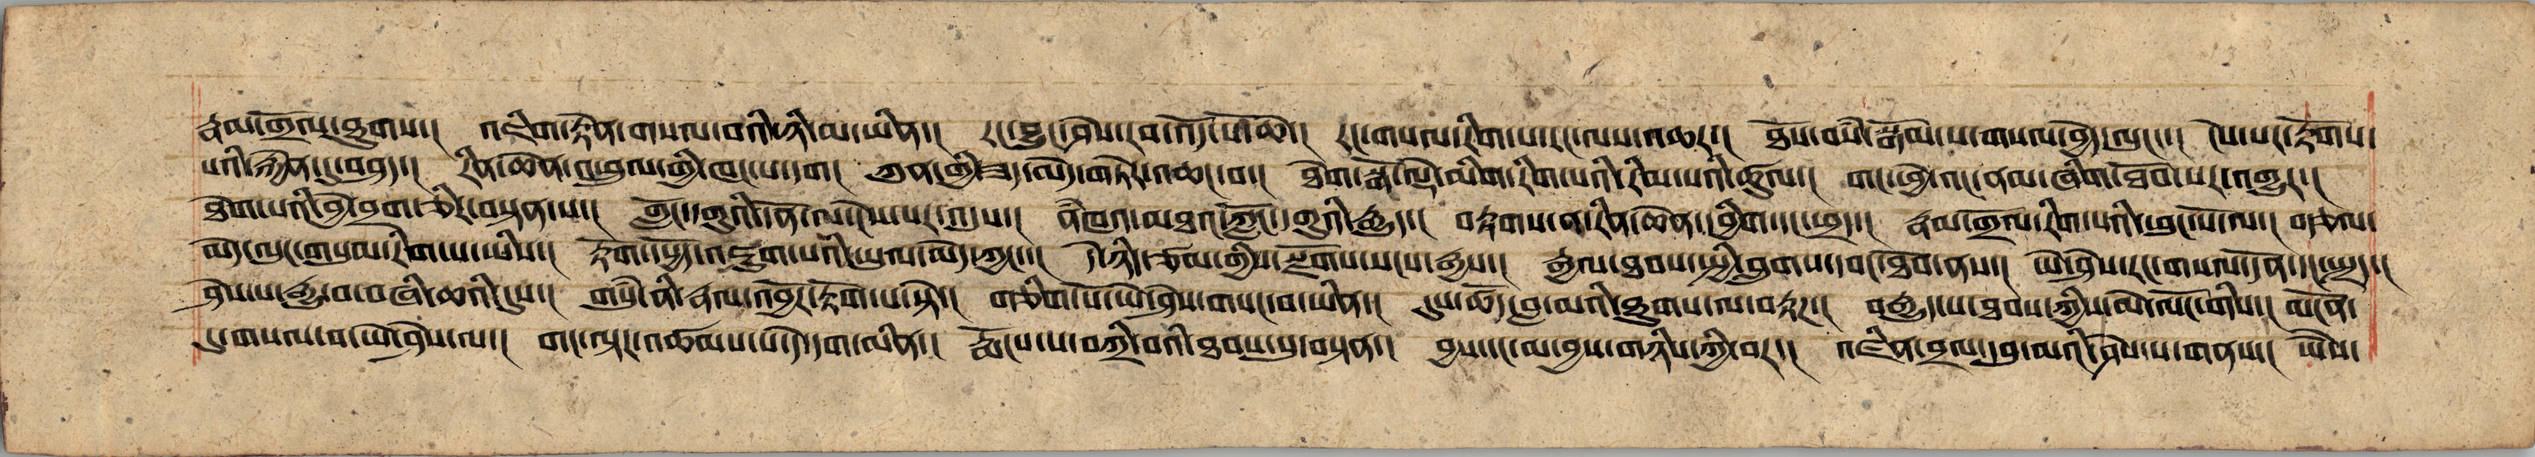རྣམ་གྲོལ་ཐུགས་། འཇིག་རྟེན་གསལ་བའི་ཉི་མ་ཡིན་། རང་བྱུང་ཤེས་རབ་འོད་པོ་ཆེ་། རང་གསལ་རིག་པ་རང་ལས་འཆར་། ཐོས་བསཾ་སྒོམ་པ་གསལ་བྱེད་ལུང་་། ངེས་པར་རྟོགས་
པའི་རྐྱེན་དུ་བཤད་། རིན་ཆེན་འཕྲུལ་གྱི་ཁང་པ་དག། ཀུན་གྱི་ཟད་མེད་གཏེར་འཆང་བ་། ཐེག་སྒོ་ལྡེ་མིག་རིག་པའི་རིམ་པའི་ཚུལ་། གང་ཕྱེ་འང་ནམ་ཞིག་ཐོབ་པར་འགྱུར་།
ཐེག་པའི་བྱེ་བྲག་ཅིར་བསྟན་པ་། གློང་དགུའི་དོན་ལ་ངེས་པར་འདུས་། ནཾཁའ་མཐའ་ཀློང་དགུའི་རྒྱུད་། བརྟགས་ན་རིན་ཆེན་དབྱིག་དང་ཕྲད་། རྣམ་གྲོལ་རིག་པའི་ཕུང་པོ་ལ་། བརྩལ་
མེད་ལུང་གསུམ་རིག་པ་ཡིས་། རྟོག་དཔྱོད་འཇུག་པའི་ཡུལ་མེད་ཀྱང་་། དེ་ཉིད་ཙམ་གྱིས་སྫོགས་སངས་རྒྱས་། རྒྱལ་ཐབས་སྤྱི་བླུགས་དབང་ཐོབ་ནས་། ཡེ་ཤེས་རང་གསལ་དོན་དང་སྤྲད་།
ཤེས་པ་རྒྱུ་བ་བཞི་ཆའི་དུས་། གསུཾ་ནི་རྣལ་འབྱོར་རྟོག་པ་སྟེ་། གཅིག་པོ་ཡེ་ཤེས་གསང་བ་ཡིན་། དུས་ཚོད་བླ་མའི་ཐུགས་ལ་བརྟཌ་། བརྒྱུད་པ་ཐབས་ཀྱིས་མེ་ལོང་གིས་། མངོན་
དུ་གསལ་བ་ཡེ་ཤེས་ལ་། གང་ལྟར་འཚམས་པ་དེ་དག་མིན་། རྨོངས་པ་བཀྲི་བའི་ཐབས་སུ་བསྟན་། བྱས་དང་མ་བྱས་གཉིས་ཀྱི་བར་། འཛིན་བྲལ་དབུ་མའི་ཤེས་པ་གནས་། ཡཻས་